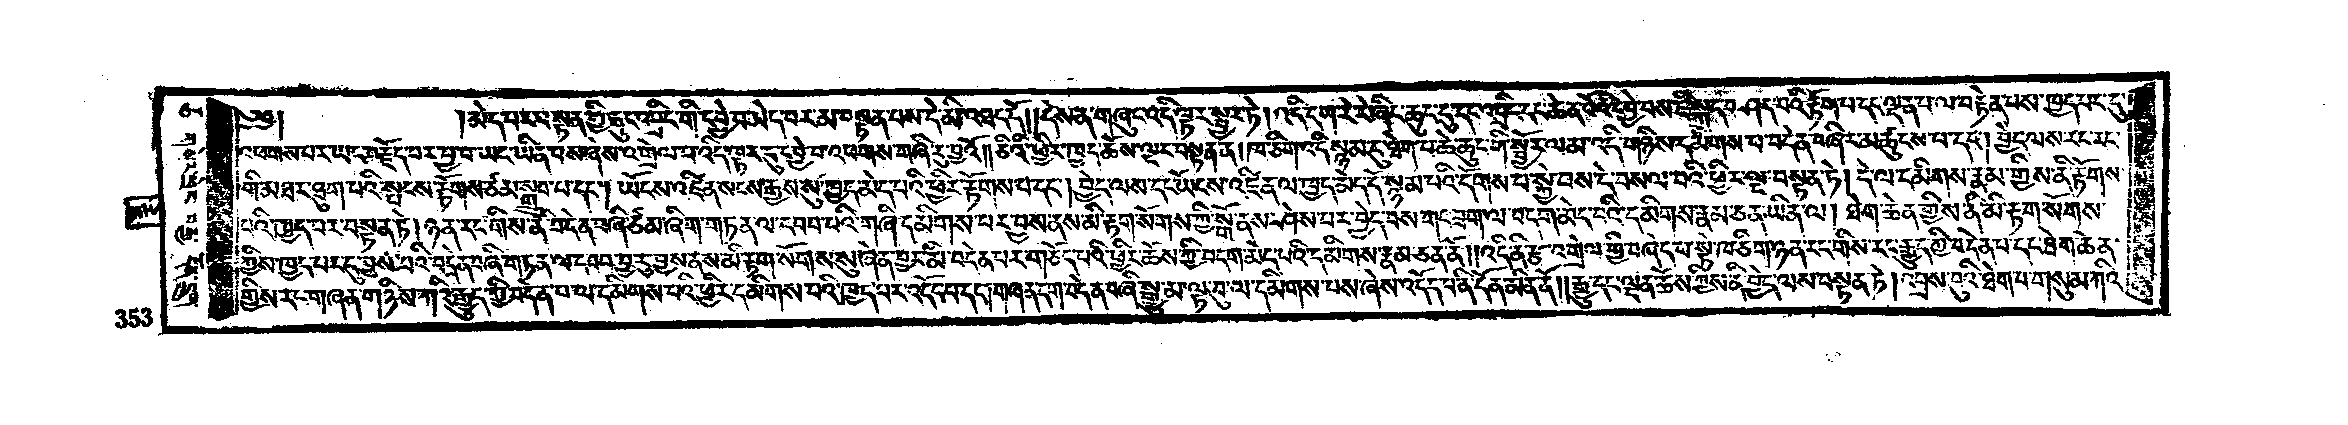༄༅། །མེད་པར་བསྟན་གྱི་ཆུང་འབྲིང་གི་དབྱེ་བ་མེད་པར་མ་བསྟན་པས་དེ་མི་འཐད་དོ། །དེས་ན་གཞུང་འདི་ལྟར་སྦྱར་ཏེ། འདི་དག་རེ་རེ་ཞིང་ཆུང་ངུ་དང་འབྲིང་དང་ཆེན་པོའི་དབྱེ་བས་ཇི་སྐད་བཤད་པའི་རྟོག་པ་དང་ལྡན་པ་ལ་བརྟེན་པས་ཁྱད་པར་དུ་
འཕགས་པར་ཡང་བརྗོད་པར་བྱ་བ་ཡང་ཡིན་པས་ཞེས་འགྲེལ་པ་འདི་ལྟར་དུ་དབྱེ་བ་འཕགས་གཞི་རུ་བྱའོ། །ཅིའི་ཕྱིར་ཁྱད་ཆོས་ལྔར་བསྟན་ན། ཁ་ཅིག་འདི་སྙམ་དུ་ཐེག་པ་ཆེ་ཆུང་གི་སྦྱོར་ལམ་འདི་གཉིས་དམིགས་པ་བདེན་བཞིར་མཚུངས་པ་དང་། བྱེད་ལས་རང་རང་
གི་མཐར་ཐུག་པའི་སྤངས་རྟོགས་ཙམ་སྒྲུབ་པ་དང་། ཡོངས་འཛིན་སངས་རྒྱས་སུ་ཁྱད་མེད་པའི་ཕྱིར་རྟོགས་པ་དང་། བྱེད་ལས་དང་ཡོངས་འཛིན་ལ་ཁྱད་མེད་དོ་སྙམ་པའི་དོགས་པ་སྐྱེ་བས་དེ་བསལ་བའི་ཕྱིར་ལྔ་བསྟན་ཏེ། དེ་ལ་དམིགས་རྣམ་གྱིས་ནི་རྟོགས་
པའི་ཁྱད་པར་བསྟན་ཏེ། ཉན་རང་གིས་ནི་བདེན་བཞི་ཙམ་ཞིག་གཏན་ལ་དབབ་པའི་གཞི་དམིགས་པར་བྱས་ནས་མི་རྟག་སོགས་ཀྱི་སྒོ་ནས་ཤེས་པར་བྱེད་པས་གང་ཟག་ལ་བདག་མེད་པའི་དམིགས་རྣམ་ཅན་ཡིན་ལ། ཐེག་ཆེན་གྱིས་ནི་མི་རྟག་སོགས་
ཀྱིས་ཁྱད་པར་དུ་བྱས་པའི་བདེན་བཞི་གཏན་ལ་དབབ་བྱ་རུ་བྱས་ནས་མི་རྟག་སོགས་སུ་ཞེན་བྱར་མི་བདེན་པར་གཅོད་པའི་ཕྱིར་ཆོས་ཀྱི་བདག་མེད་པའི་དམིགས་རྣམ་ཅན་ནོ། །འདི་ནི་རྩ་འགྲེལ་གྱི་བཞེད་པ་སྟེ་ཁ་ཅིག་ཉན་རང་གིས་རང་རྒྱུད་ཀྱི་བདེན་པ་དང་ཐེག་ཆེན་
གྱིས་རང་གཞན་གཉིས་ཀའི་རྒྱུད་ཀྱི་བདེན་པ་ལ་དམིགས་པའི་ཕྱིར་དམིགས་པའི་ཁྱད་པར་འདོད་པ་དང་། གཞན་དག་བདེན་བཞི་སྒྱུ་མ་ལྟ་བུ་ལ་དམིགས་པས་ཞེས་འདོད་པ་ནི་དོན་མིན་ནོ། །རྒྱུ་དང་ལྡན་ཆོས་ཀྱིས་ནི་བྱེད་ལས་བསྟན་ཏེ། འབྲས་བུའི་ཐེག་པ་གསུམ་ཀའི་